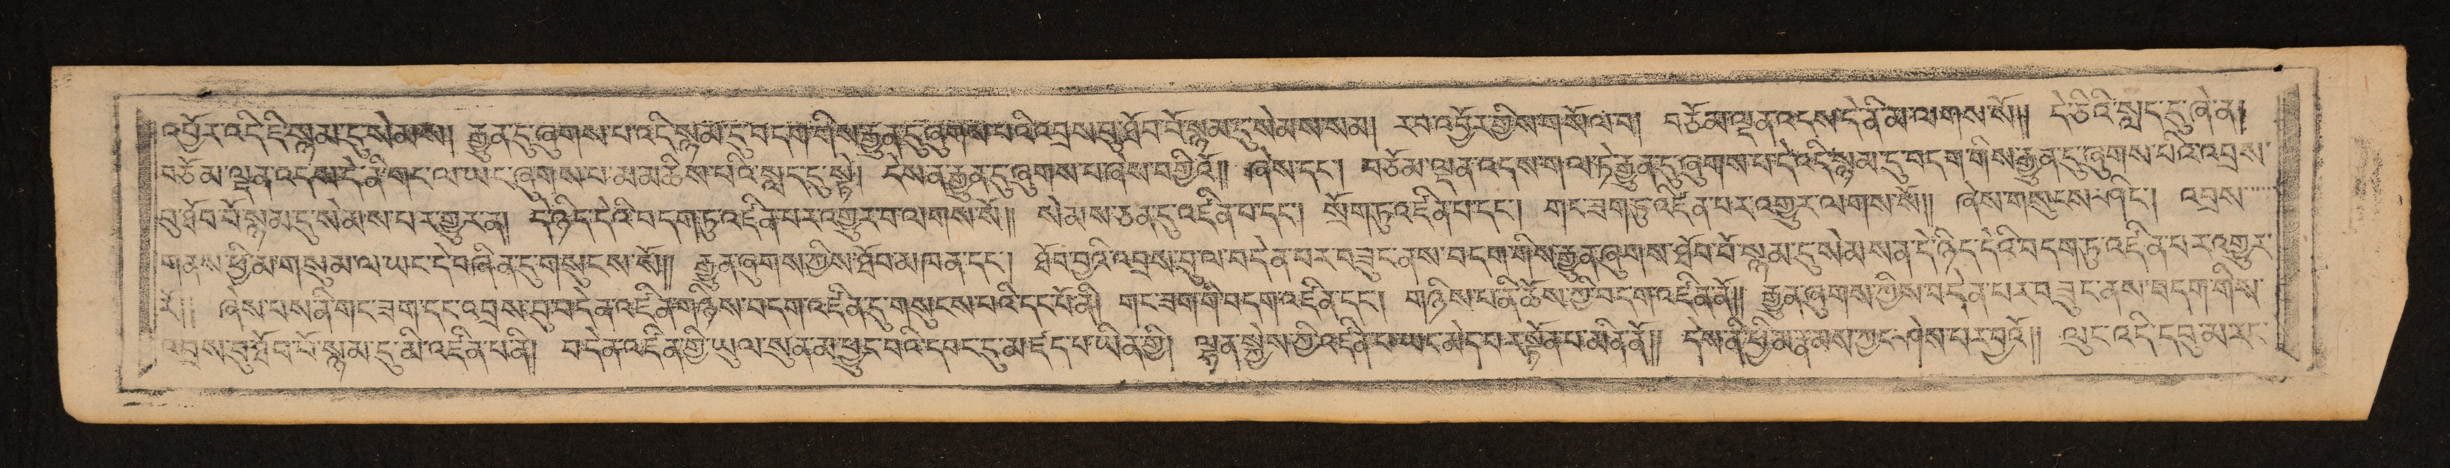འབྱོར་འདི་ཇི་སྙམ་དུ་སེམས། རྒྱུན་དུ་ཞུགས་པ་འདི་སྙམ་དུ་བདག་གིས་རྒྱུན་དུ་ཞུགས་པའི་འབྲས་བུ་ཐོབ་བོ་སྙམ་དུ་སེམས་སམ། རབ་འབྱོར་གྱིས་གསོལ་བ། བཅོམ་ལྡན་འདས་དེ་ནི་མ་ལགས་སོ།། དེ་ཅིའི་སླད་དུ་ཞེ་ན།
བཅོམ་ལྡན་འདས་དེ་ནི་གང་ལ་ཡང་ཞུགས་པ་མ་མཆིས་པའི་སླད་དུ་སྟེ། དེས་ན་རྒྱུན་དུ་ཞུགས་པ་ཞེས་བགྱིའོ།། ཞེས་དང་། བཅོམ་ལྡན་འདས་གལ་ཏེ་རྒྱུན་དུ་ཞུགས་པ་དེ་འདི་སྙམ་དུ་བདག་གིས་རྒྱུན་དུ་ཞུགས་པའི་འབྲས་
བུ་ཐོབ་བོ་སྙམ་དུ་སེམས་པར་གྱུར་ན། དེ་ཉིད་དེའི་བདག་ཏུ་འཛིན་པར་འགྱུར་བ་ལགས་སོ།། སེམས་ཅན་དུ་འཛིན་པ་དང་། སྲོག་ཏུ་འཛིན་པ་དང་། གང་ཟག་ཏུ་འཛིན་པར་འགྱུར་ལགས་སོ།། ཞེས་གསུངས་ཤིང་། འབྲས་
གནས་ཕྱི་མ་གསུམ་ལ་ཡང་དེ་བཞིན་དུ་གསུངས་སོ།། རྒྱུན་ཞུགས་ཀྱི་ས་ཐོབ་མཁན་དང་། ཐོབ་བྱའི་འབྲས་བུ་ལ་བདེན་པར་བཟུང་ནས་བདག་གིས་རྒྱུན་ཞུགས་ཐོབ་བོ་སྙམ་དུ་སེམས་ན་དེ་ཉིད་དེའི་བདག་ཏུ་འཛིན་པར་འགྱུར་
རོ། ཞེས་པས་ནི་གང་ཟག་དང་འབྲས་བུ་བདེན་འཛིན་གཉིས་བདག་འཛིན་དུ་གསུངས་པའི་དང་པོ་ནི། གང་ཟག་གི་བདག་འཛིན་དང་། གཉིས་པ་ནི་ཆོས་ཀྱི་བདག་འཛིན་ནོ།། རྒྱུན་ཞུགས་ཀྱིས་བདེན་པར་བཟུང་ནས་བདག་གིས་
འབྲས་བུ་ཐོབ་བོ་སྙམ་དུ་མི་འཛིན་པ་ནི། བདེན་འཛིན་གྱི་ཡུལ་སུན་མ་ཕྱུང་བའི་དབང་དུ་མཛད་པ་ཡིན་གྱི། ལྷན་སྐྱེས་ཀྱི་འཛིན་པ་ཡང་མེད་པར་སྟོན་པ་མིན་ནོ།། དེས་ནི་ཕྱི་མ་རྣམས་ཀྱང་ཤེས་པར་བྱའོ།། ལུང་འདི་དབུ་མ་རང་